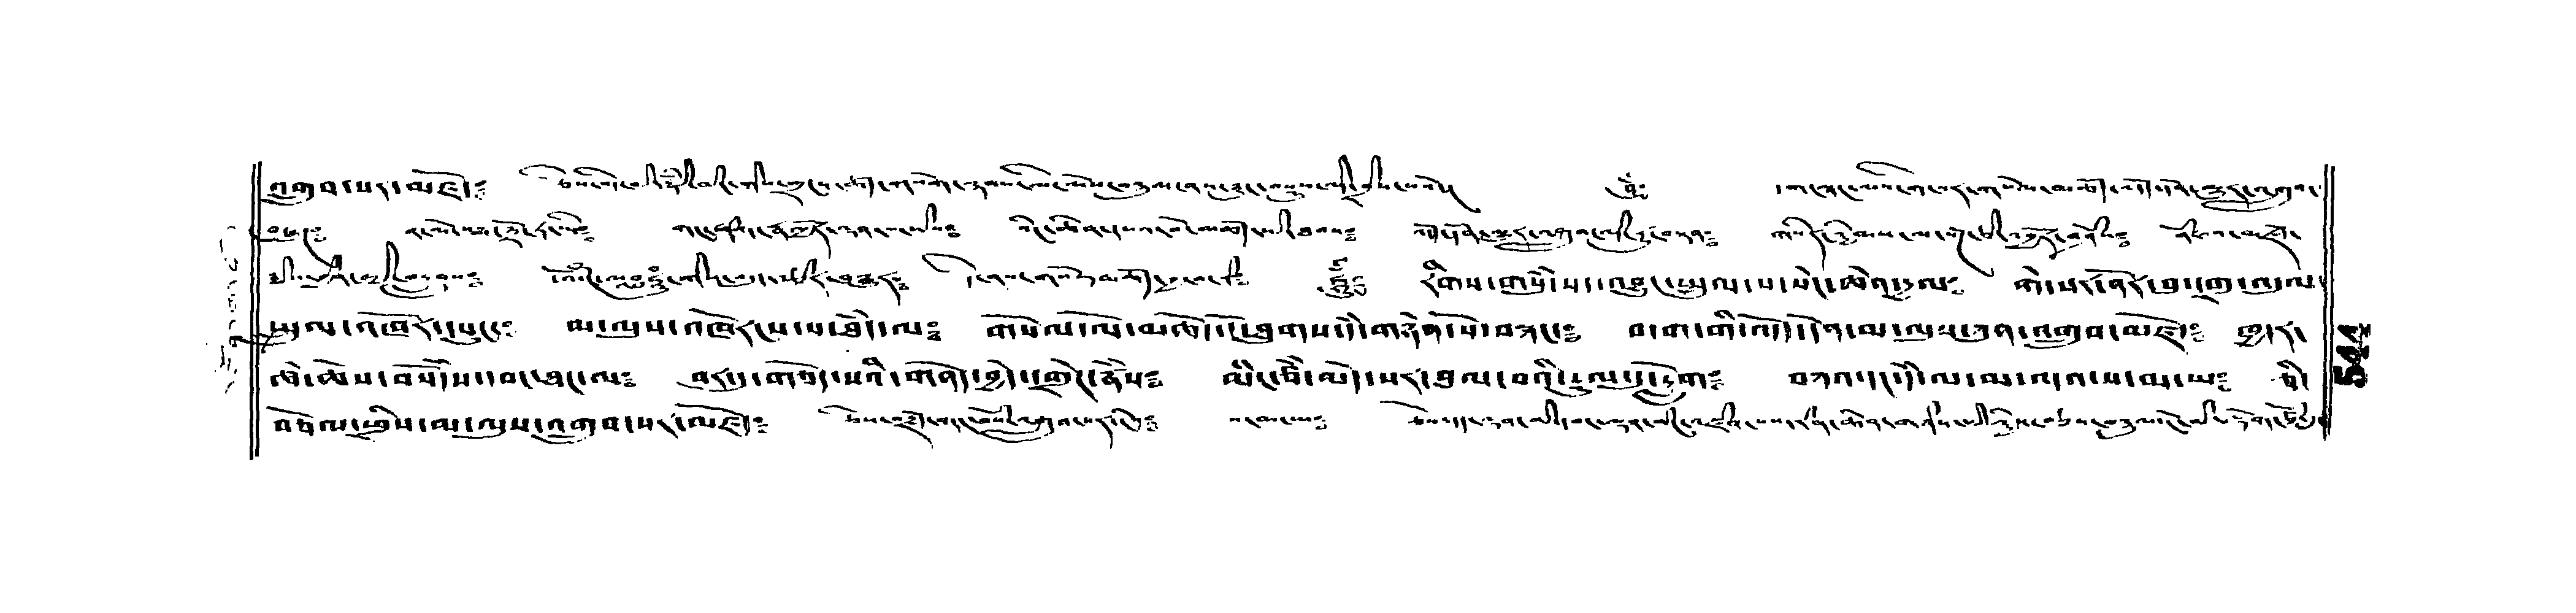འགྲུབ་པར་མཛོད༔ ཅེས་བདེ་བའི་རྡོ་རྗེའི་མིང་གིས་གྲངས་ཚད་གསོག་སྐབས་ལེ་ལོས་བསྐུལ་ནས་ཉུང་བསྡུས་འདི་བྲིས་པའོ།། ཧཱུྃ༔ དག་སྣང་ལས་གེ་སར་གསོལ་མཆོད་འདོད་དོན་མྱུར་འགྲུབ་
བཞུགས༔ ན་མོ་པདྨ་ཀྲོ་དྷ་ཡེ༔ གང་ཞིག་རྣལ་འབྱོར་ལྡན་པ་ཡིས༔ སེང་ཆེན་དཔའ་བོ་མཆོད་པའི་ཐབས༔ འདོད་དོན་མྱུར་འགྲུབ་འདི་རུ་བསྟན༔ གསེར་སྐྱེམས་ལ་སོགས་ཅི་འབྱོར་བཤམས༔ ནམ་མཁའ་མཇོད་
ཀྱིས་བྱིན་གྱིས་བརླབས༔ ཨོཾ་ཨཱཿཧཱུཾ་གིས་བདུད་རྩིར་བསྒྱུར༔ དེ་ནས་གསོལ་མཆོད་བྱ་བ་ནི༔ ཧཱུྃ༔ རིགས་གསུམ་པད་འབྱུང་སྤྲུལ་པ་སེང་ཆེན་རྒྱལ༔ གེ་སར་ནོར་བུ་དགྲ་འདུལ་
སྤྲུལ་འཁོར་དཔུང༔ མ་ལུས་འཁོར་དང་བཅས་པ་ཐམས་ཅད་ལ༔ གསོལ་ལོ་མཆོད་དོ་ཐུགས་དམ་གཉེན་པོ་བསྐང༔ བདག་གི་འདོད་དོན་མ་ལུས་ཀུན་འགྲུབ་མཛོད༔ ཁྱད་པར་
ཚེ་ཆོས་བསོད་ནམས་དབང་ཐང་ལ༔ བར་དུ་གཅོད་པའི་གནོད་བྱེད་དགྲ་བགེགས་རྣམས༔ མིང་ཙམ་མེད་པར་ཐལ་བའི་རྡུལ་དུ་རློག༔ བཀའ་དང་དམ་ལ་མ་འདའ་ས་མ་ཡ༔ ཅི་
བཅོལ་ཕྲིན་ལས་མ་ལུས་འགྲུབ་པར་མཛོད༔ ཅེས་བརྗོད་གང་བསམ་འགྲུབ་པར་ངེས༔ ས་མ་ཡ༔ ཅེས་དད་ལྡན་མི་དབང་ལྡན་མིང་འཛིན་པས་རིན་ཆེན་གཉིས་པའི་སྐྱེས་བཅས་བསྐུལ་ངོ་མི་ལྡོག་ཙམ་དུ་